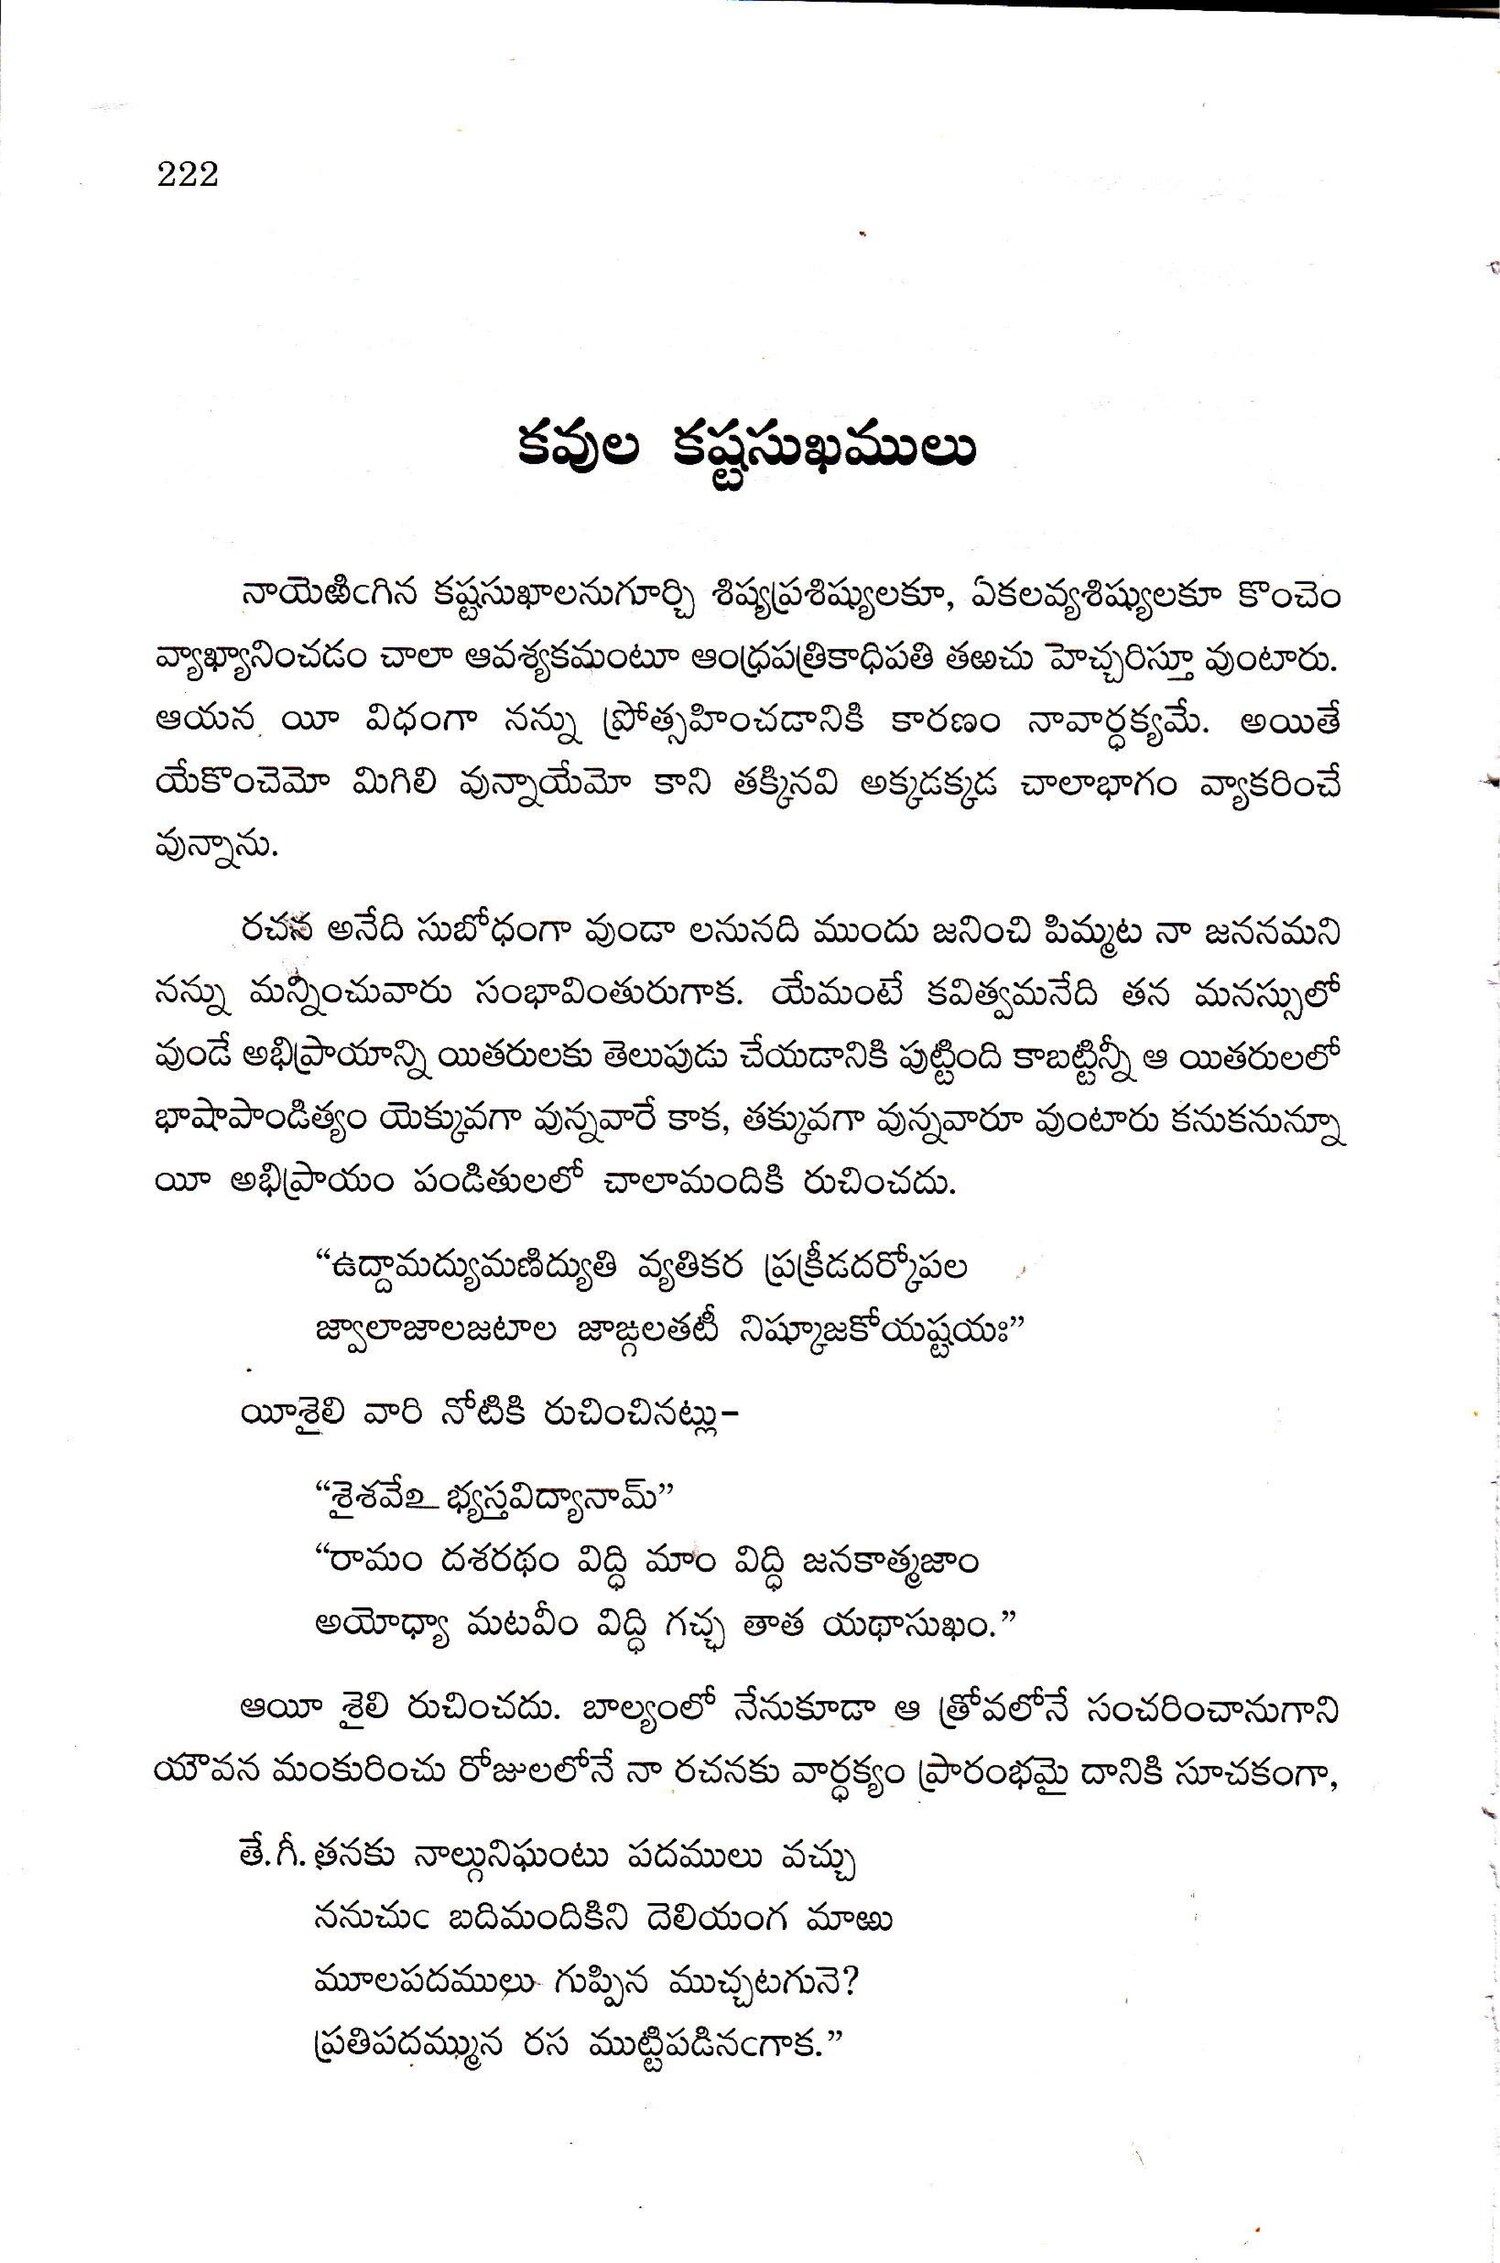కవుల కష్టసుఖములు

నాయెఱిఁగిన కష్టసుఖాలనుగూర్చి శిష్యప్రశిష్యులకూ, ఏకలవ్యశిష్యులకూ కొంచెం వ్యాఖ్యానించడం చాలా ఆవశ్యకమంటూ ఆంధ్రపత్రికాధిపతి తఱచు హెచ్చరిస్తూ వుంటారు. ఆయన యీ విధంగా నన్ను ప్రోత్సహించడానికి కారణం నావార్ధక్యమే. అయితే యేకొంచెమో మిగిలి వున్నాయేమో కాని తక్కినవి అక్కడక్కడ చాలాభాగం వ్యాకరించే వున్నాను.

రచన అనేది సుబోధంగా వుండా లనునది ముందు జనించి పిమ్మట నా జననమని నన్ను మన్నించువారు సంభావింతురుగాక. యేమంటే కవిత్వమనేది తన మనస్సులో వుండే అభిప్రాయాన్ని యితరులకు తెలుపుడు చేయడానికి పుట్టింది కాబట్టిన్నీ ఆ యితరులలో భాషాపాండిత్యం యెక్కువగా వున్నవారే కాక, తక్కువగా వున్నవారూ వుంటారు కనుకనున్నూ యీ అభిప్రాయం పండితులలో చాలామందికి రుచించదు.

“ఉద్దామద్యుమణిద్యుతి వ్యతికర ప్రక్రీడదర్కోపల 
 జ్వాలాజాలజటాల జాఙ్గలతటీ నిష్కూజకోయష్టయః"
యీశైలి వారి నోటికి రుచించినట్లు

“శైశవే౽భ్యస్తవిద్యానామ్" 
“రామం దశరథం విద్ధి మాం విద్ధి జనకాత్మజాం 
 అయోధ్యా మటవీం విద్ధి గచ్చ తాత యథాసుఖం."
ఆయీ శైలి రుచించదు. బాల్యంలో నేనుకూడా ఆ త్రోవలోనే సంచరించానుగాని యౌవన మంకురించు రోజులలోనే నా రచనకు వార్ధక్యం ప్రారంభమై దానికి సూచకంగా,

తే.గీ. తనకు నాల్గునిఘంటు పదములు వచ్చు
 ననుచుఁ బదిమందికిని దెలియంగ మాఱు
 మూలపదములు గుప్పిన ముచ్చటగునె? 
 ప్రతిపదమ్మున రస ముట్టిపడినగాక."